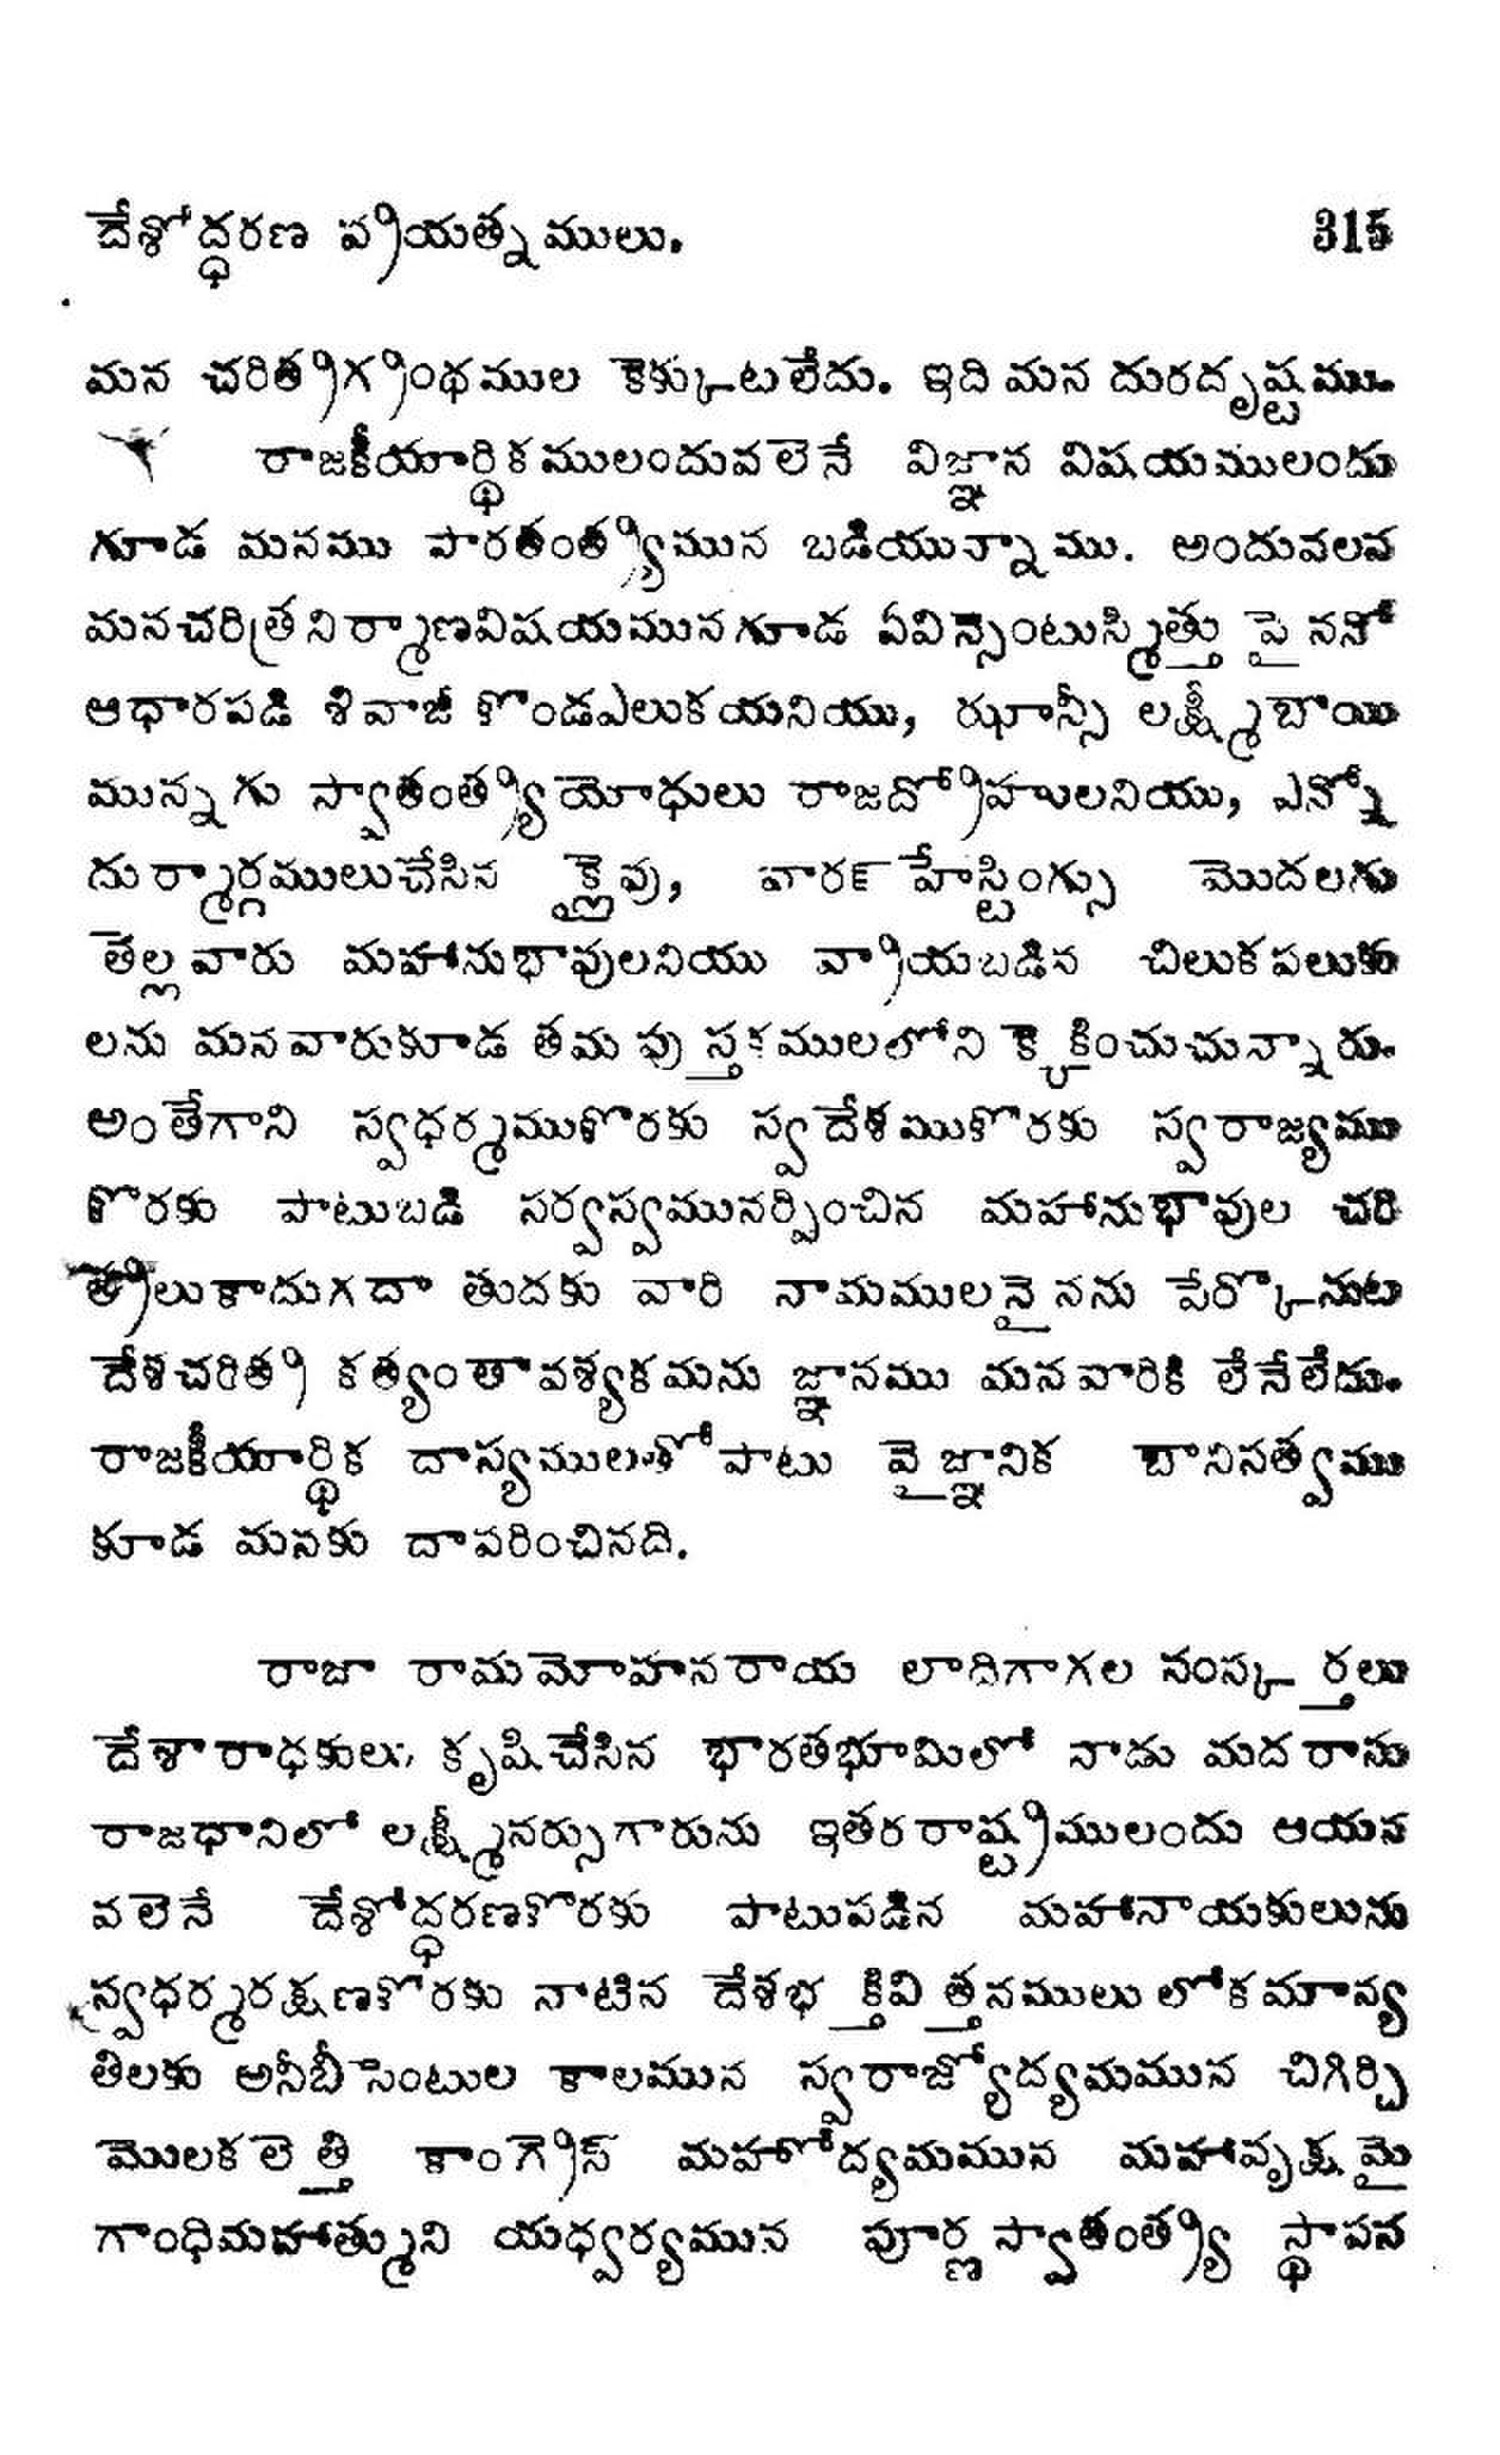మన చరిత్రగ్రంథముల కెక్కుటలేదు. ఇది మన దురదృష్టము.

రాజకీయార్థికములందువలెనే విజ్ఞాన విషయములందు గూడ మనము పారతంత్ర్యమున బడియున్నాము. అందువలన మనచరిత్ర నిర్మాణవిషయమున గూడ ఏవిన్సెంటుస్మిత్తు పైననో ఆధారపడి శివాజీ కొండఎలుకయనియు, ఝాన్సీ లక్ష్మీబాయి మున్నగు స్వాతంత్ర్యయోధులు రాజద్రోహులనియు, ఎన్నో దుర్మార్గములుచేసిన క్లైవు, వార౯ హేస్టింగ్సు మొదలగు తెల్లవారు మహానుభావులనియు వ్రాయబడిన చిలుకపలుకులను మనవారుకూడ తమపుస్తకములలోని క్కెకించుచున్నారు. అంతేగాని స్వధర్మముకొరకు స్వదేశముకొరకు స్వరాజ్యముకొరకు పాటుబడి సర్వస్వమునర్పించిన మహానుభావుల చరిత్రలుకాదుగదా తుదకు వారి నామములనైనను పేర్కొనుట దేశచరిత్ర కత్యంతావశ్యకమను జ్ఞానము మనవారికి లేనేలేదు. రాజకీయార్థిక దాస్యములతోపాటు వైజ్ఞానిక బానిసత్వము కూడ మనకు దాపరించినది. 

రాజా రామమోహనరాయ లాదిగాగల సంస్కర్తలు దేశారాధకుల, కృషిచేసిన భారతభూమిలో నాడు మదరాసు రాజధానిలో లక్ష్మీనర్సుగారును ఇతరరాష్ట్రములందు ఆయన వలెనే దేశోద్ధరణకొరకు పాటుపడిన మహానాయకులును స్వధర్మరక్షణకొరకు నాటిన దేశభక్తివిత్తనములు లోకమాన్య తిలకు అనీబీసెంటుల కాలమున స్వరాజ్యోద్యమమున చిగిర్చి మొలకలెత్తి కాంగ్రెస్ మహోద్యమమున మహావృక్షమై గాంధిమహాత్ముని యధ్వర్యమున పూర్ణస్వాతంత్ర్య స్థాపన